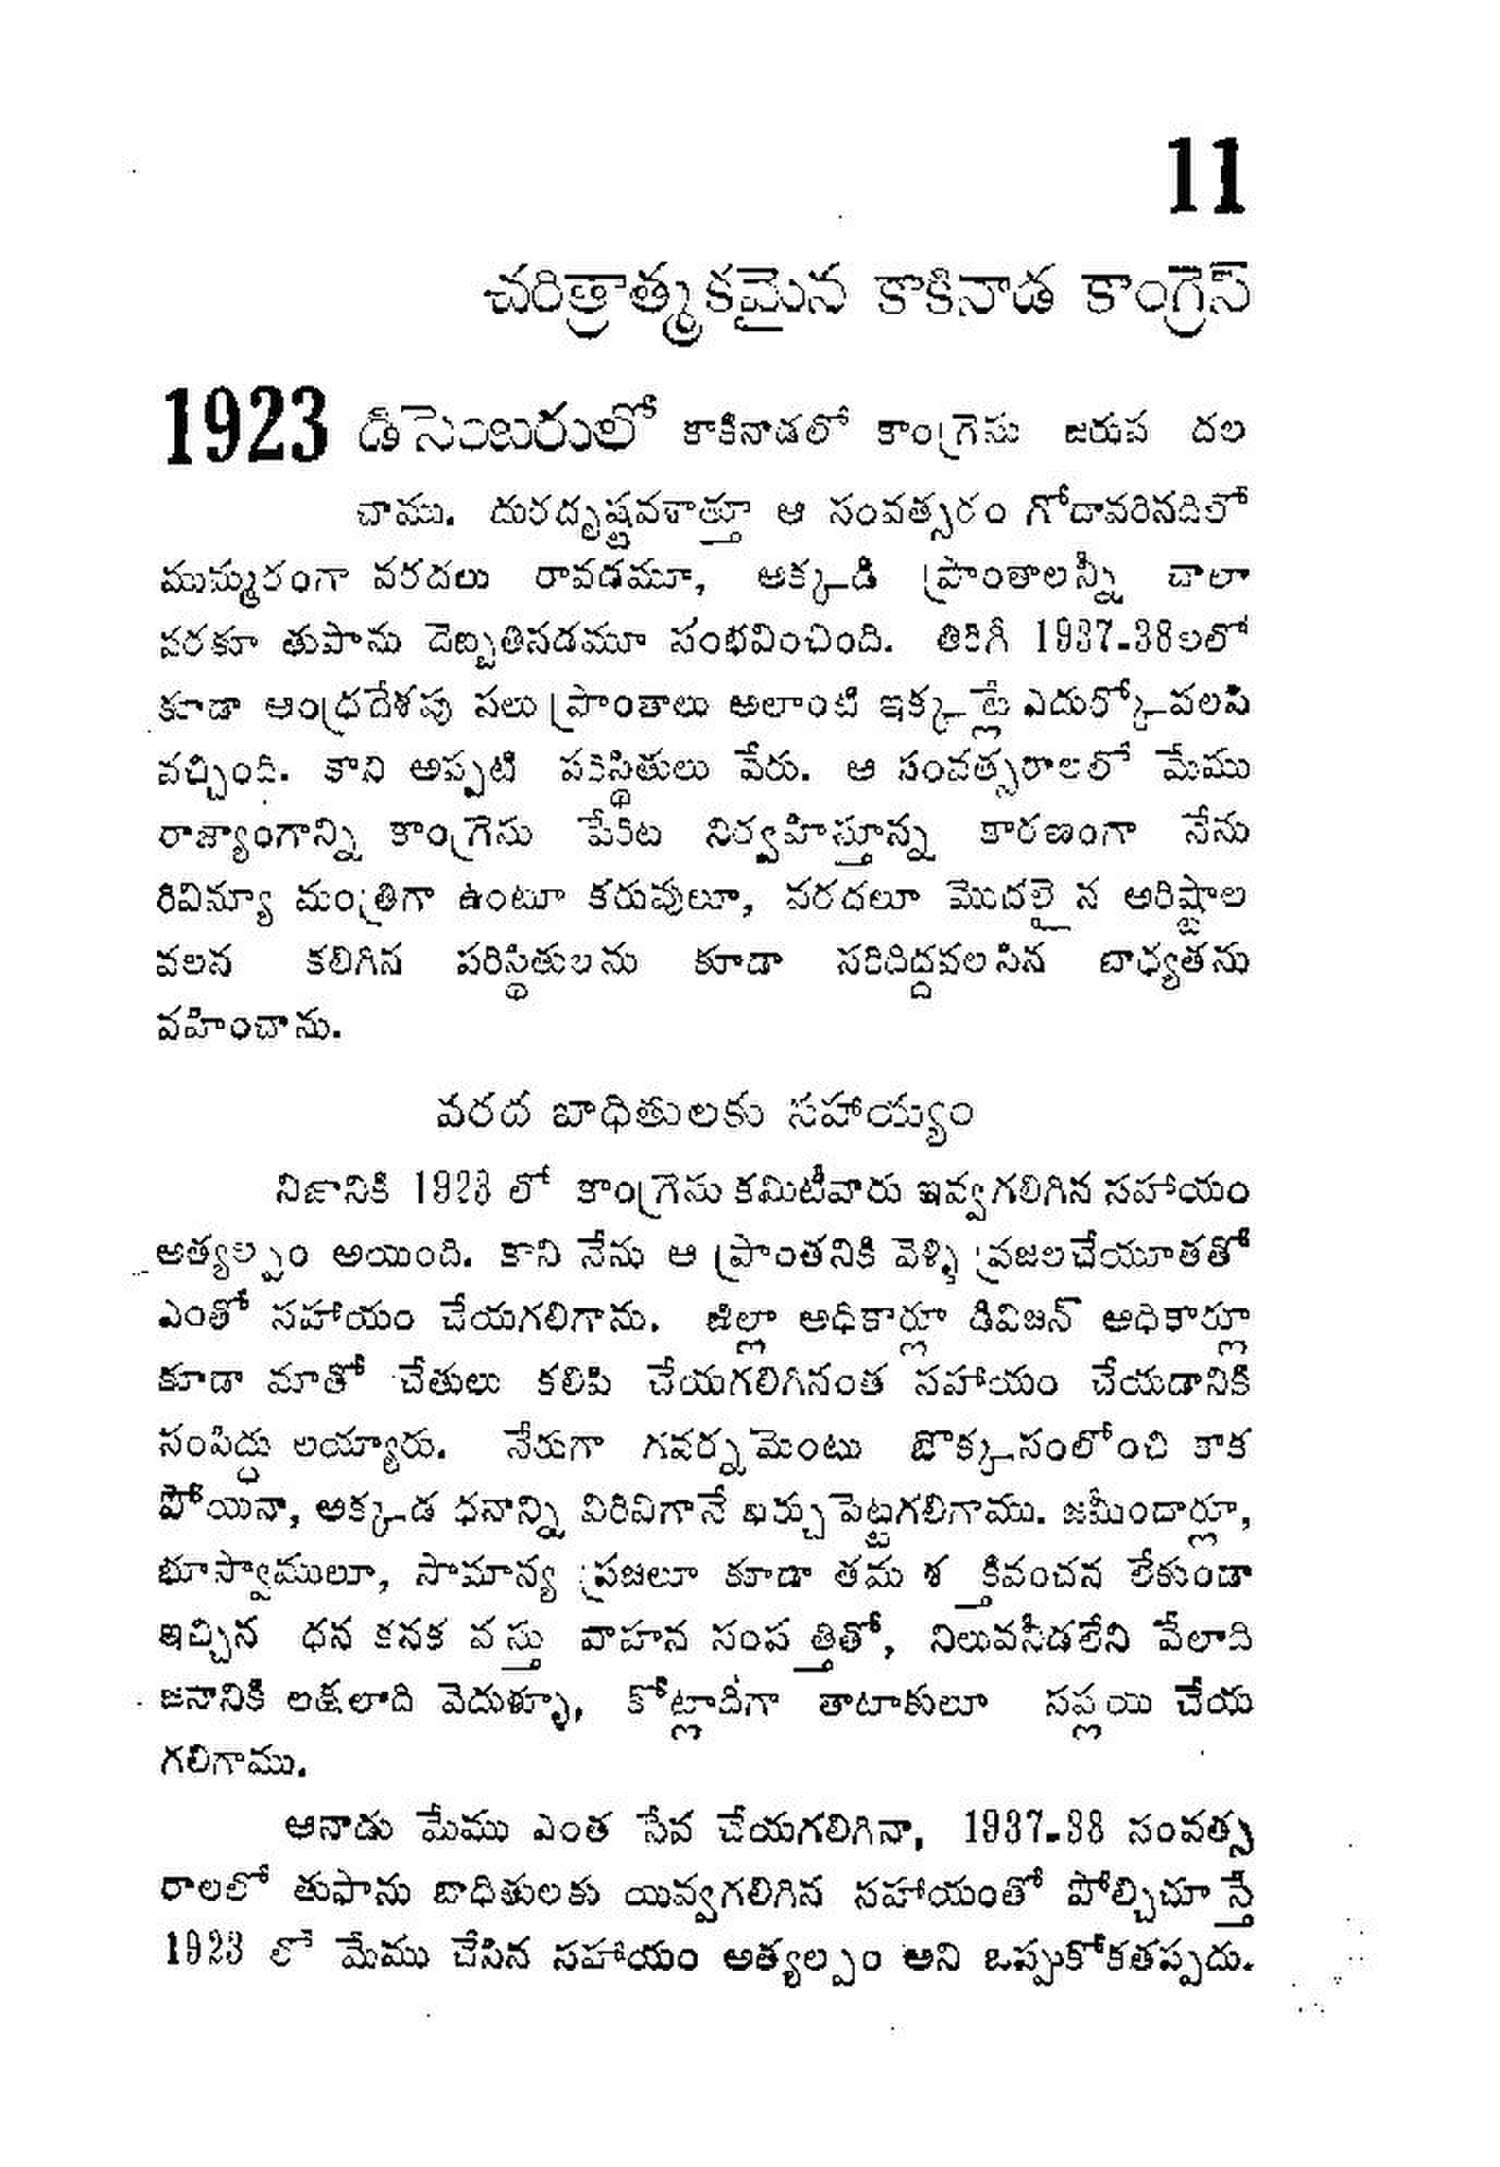1923 డిసెంబరులో కాకినాడలో కాంగ్రెసు జరుప దలచాము, దురదృష్టవశాత్తూ ఆ సంవత్సరం గోదావరినదిలో ముమ్మరంగా వరదలు రావడమూ, అక్కడి ప్రాంతాలన్నీ చాలా వరకూ తుపాను దెబ్బతినడమూ సంభవించింది. తిరిగీ 1937-38 లలో కూడా ఆంధ్రదేశపు పలు ప్రాంతాలూ అలాంటి ఇక్కట్లే ఎదుర్కోవలసి వచ్చింది. కాని అప్పటి పరిస్థితులు వేరు. ఆ సంవత్సరాలలో మేము రాజ్యాంగాన్ని కాంగ్రెసు పేరిట నిర్వహిస్తూన్న కారణంగా నేను రివెన్యూ మంత్రిగా ఉంటూ కరువులూ, వరదలూ మొదలైన అరిష్టాల వలన కలిగిన పరిస్థితులను కూడా సరిదిద్దవలసిన బాధ్యతను వహించాను.

నిజానికి 1923 లో కాంగ్రెసు కమిటీవారు ఇవ్వగలిగిన సహాయం అత్యల్పం అయింది. కాని నేను ఆ ప్రాంతానికి వెళ్ళి ప్రజలచేయూతతో ఎంతో సహాయం చేయకలిగాను. జిల్లా అధికార్లూ డివిజన్ అధికార్లూ కూడా మాతో చేతులు కలిపి చేయగలిగినంత సహాయం చేయడానికి సంసిద్దు లయ్యారు. నేరుగా గవర్నమెంటు బొక్కసంలోంచి కాకపోయినా, అక్కడ ధనాన్ని విరివిగానే ఖర్చు పెట్టగలిగాము. జమీందార్లూ, భూస్వాములూ, సామాన్య ప్రజలూ కూడా తమ శక్తివంచన లేకుండా ఇచ్చిన ధన కనక వస్తు వాహన సంపత్తితో, నిలువనీడలేని వేలాది జనానికి లక్షలాది వెదుళ్ళూ, కోట్లాదిగా తాటాకులూ సప్లయి చేయ గలిగాము.

ఆనాడు మేము ఎంత సేవ చేయగలిగినా, 1937-38 సంవత్సరాలలో తుపాను బాధితులకు యివ్వగలిగిన సహాయంతో పోల్చిచూస్తే 1923 లో మేము చేసిన సహాయం అత్యల్పం అని ఒప్పుకోకతప్పదు.